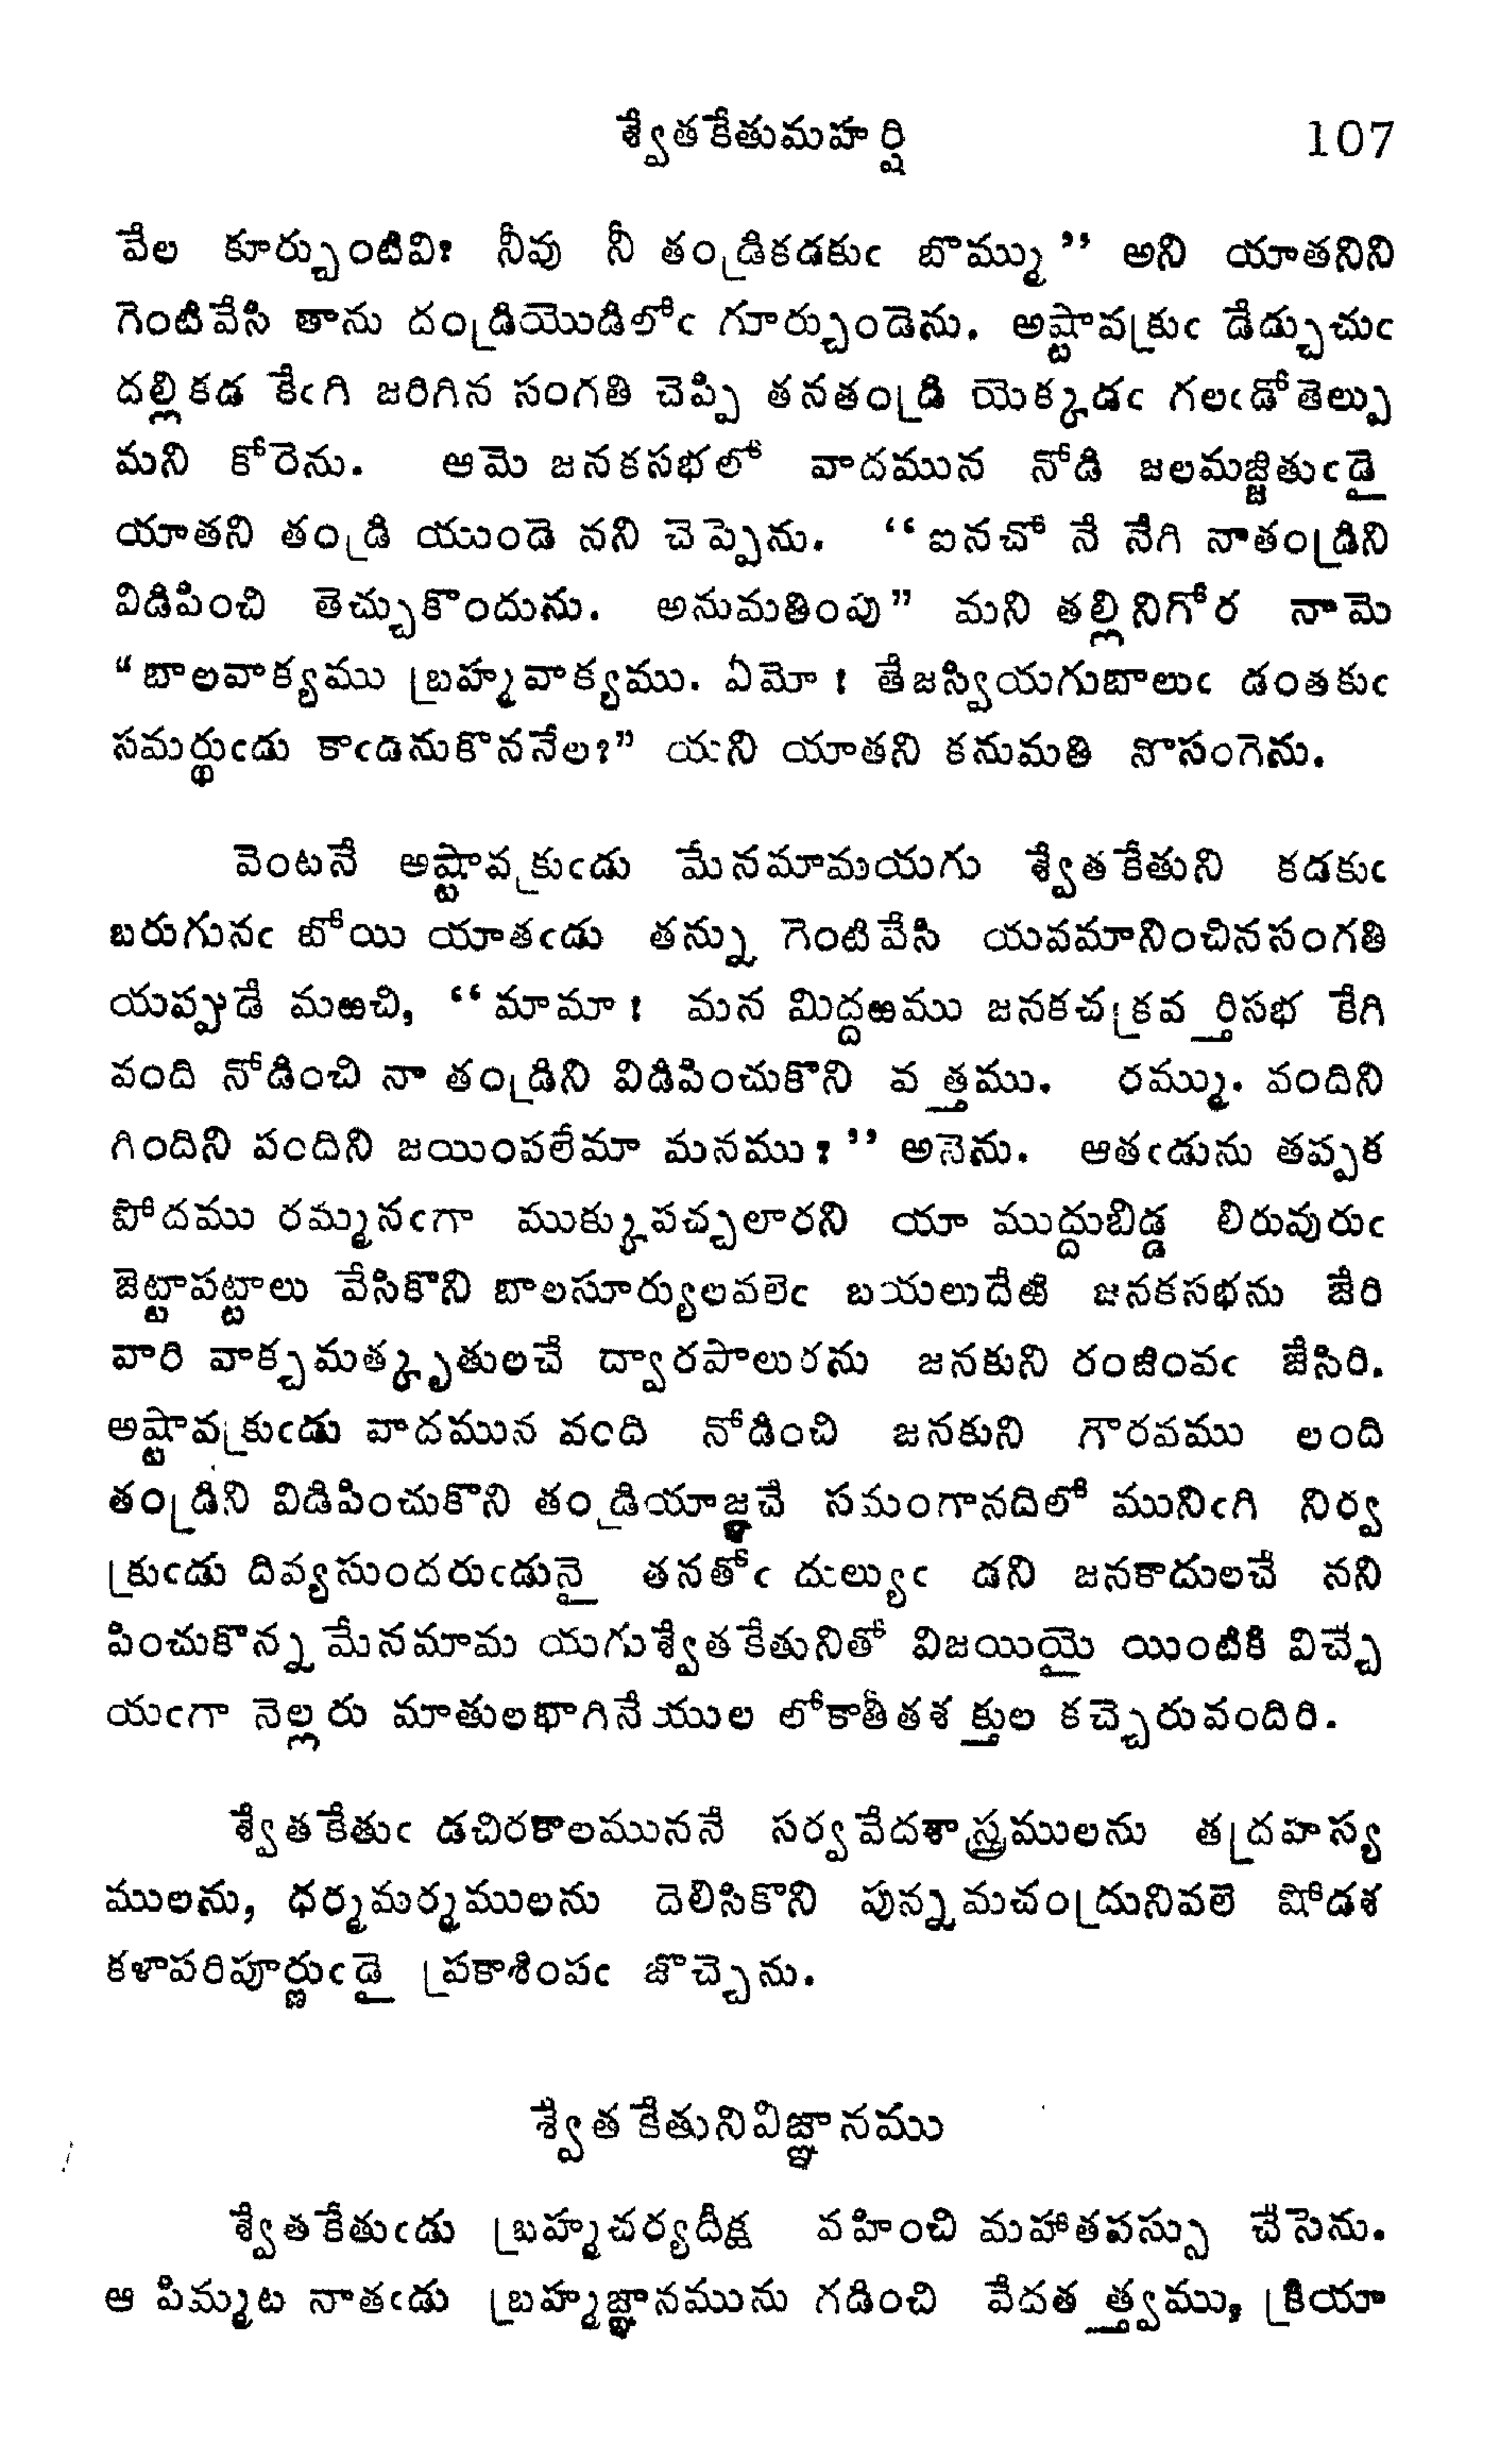వేల కూర్చుంటివి? నీవు నీ తండ్రికడకుఁ బొమ్ము” అని యాతనిని గెంటివేసి తాను దండ్రియొడిలోఁ గూర్చుండెను. అష్టావక్రుఁ డేడ్చుచుఁ దల్లికడ కేఁగి జరిగిన సంగతి చెప్పి తనతండ్రి యెక్కడఁ గలఁడో తెల్పుమని కోరెను. ఆమె జనకసభలో వాదమున నోడి జలమజ్జితుఁడై యాతని తండ్రి యుండె నని చెప్పెను. “ఐనచో నే నేగి నాతండ్రిని విడిపించి తెచ్చుకొందును. అనుమతింపు" మని తల్లినిగోర నామె "బాలవాక్యము బ్రహ్మవాక్యము. ఏమో ! తేజస్వియగుబాలుఁ డంతకుఁ సమర్థుఁడు కాఁడనుకొననేల?” యని యాతని కనుమతి నొసంగెను.

వెంటనే అష్టావక్రుఁడు మేనమామయగు శ్వేతకేతుని కడకుఁ బరుగునఁ బోయి యాతఁడు తన్ను గెంటివేసి యవమానించిన సంగతి యప్పుడే మఱచి, "మామా ! మన మిద్దఱము జనకచక్రవర్తిసభ కేగి వంది నోడించి నా తండ్రిని విడిపించుకొని వత్తము. రమ్ము. వందిని గిందిని పందిని జయింపలేమా మనము? ” అనెను. ఆతఁడును తప్పక పోదము రమ్మనఁగా ముక్కుపచ్చలారని యా ముద్దుబిడ్డ లిరువురుఁ జెట్టాపట్టాలు వేసికొని బాలసూర్యులవలెఁ బయలుదేఱి జనకసభను జేరి వారి వాక్చమత్కృతులచే ద్వారపాలురను జనకుని రంజింవఁ జేసిరి. అష్టావక్రుఁడు వాదమున వంది నోడించి జనకుని గౌరవము లంది తండ్రిని విడిపించుకొని తండ్రియాజ్ఞచే సమంగానదిలో మునిఁగి నిర్వక్రుఁడు దివ్యసుందరుఁడునై తనతోఁ దుల్యుఁ డని జనకాదులచే ననిపించుకొన్న మేనమామ యగుశ్వేతకేతునితో విజయియై యింటికి విచ్చేయఁగా నెల్లరు మాతులభాగినేయుల లోకాతీతశక్తుల కచ్చెరువందిరి.

శ్వేతకేతుఁ డచిరకాలముననే సర్వవేదశాస్త్రములను తద్రహస్యములను, ధర్మమర్మములను దెలిసికొని పున్నమచంద్రునివలె షోడశ కళాపరిపూర్ణుఁడై ప్రకాశింపఁ జొచ్చెను.

శ్వేతకేతుని విజ్ఞానము 

శ్వేతకేతుఁడు బ్రహ్మచర్యదీక్ష వహించి మహాతపస్సు చేసెను. ఆ పిమ్మట నాతఁడు బ్రహ్మజ్ఞానమును గడించి వేదతత్త్వము, క్రియా